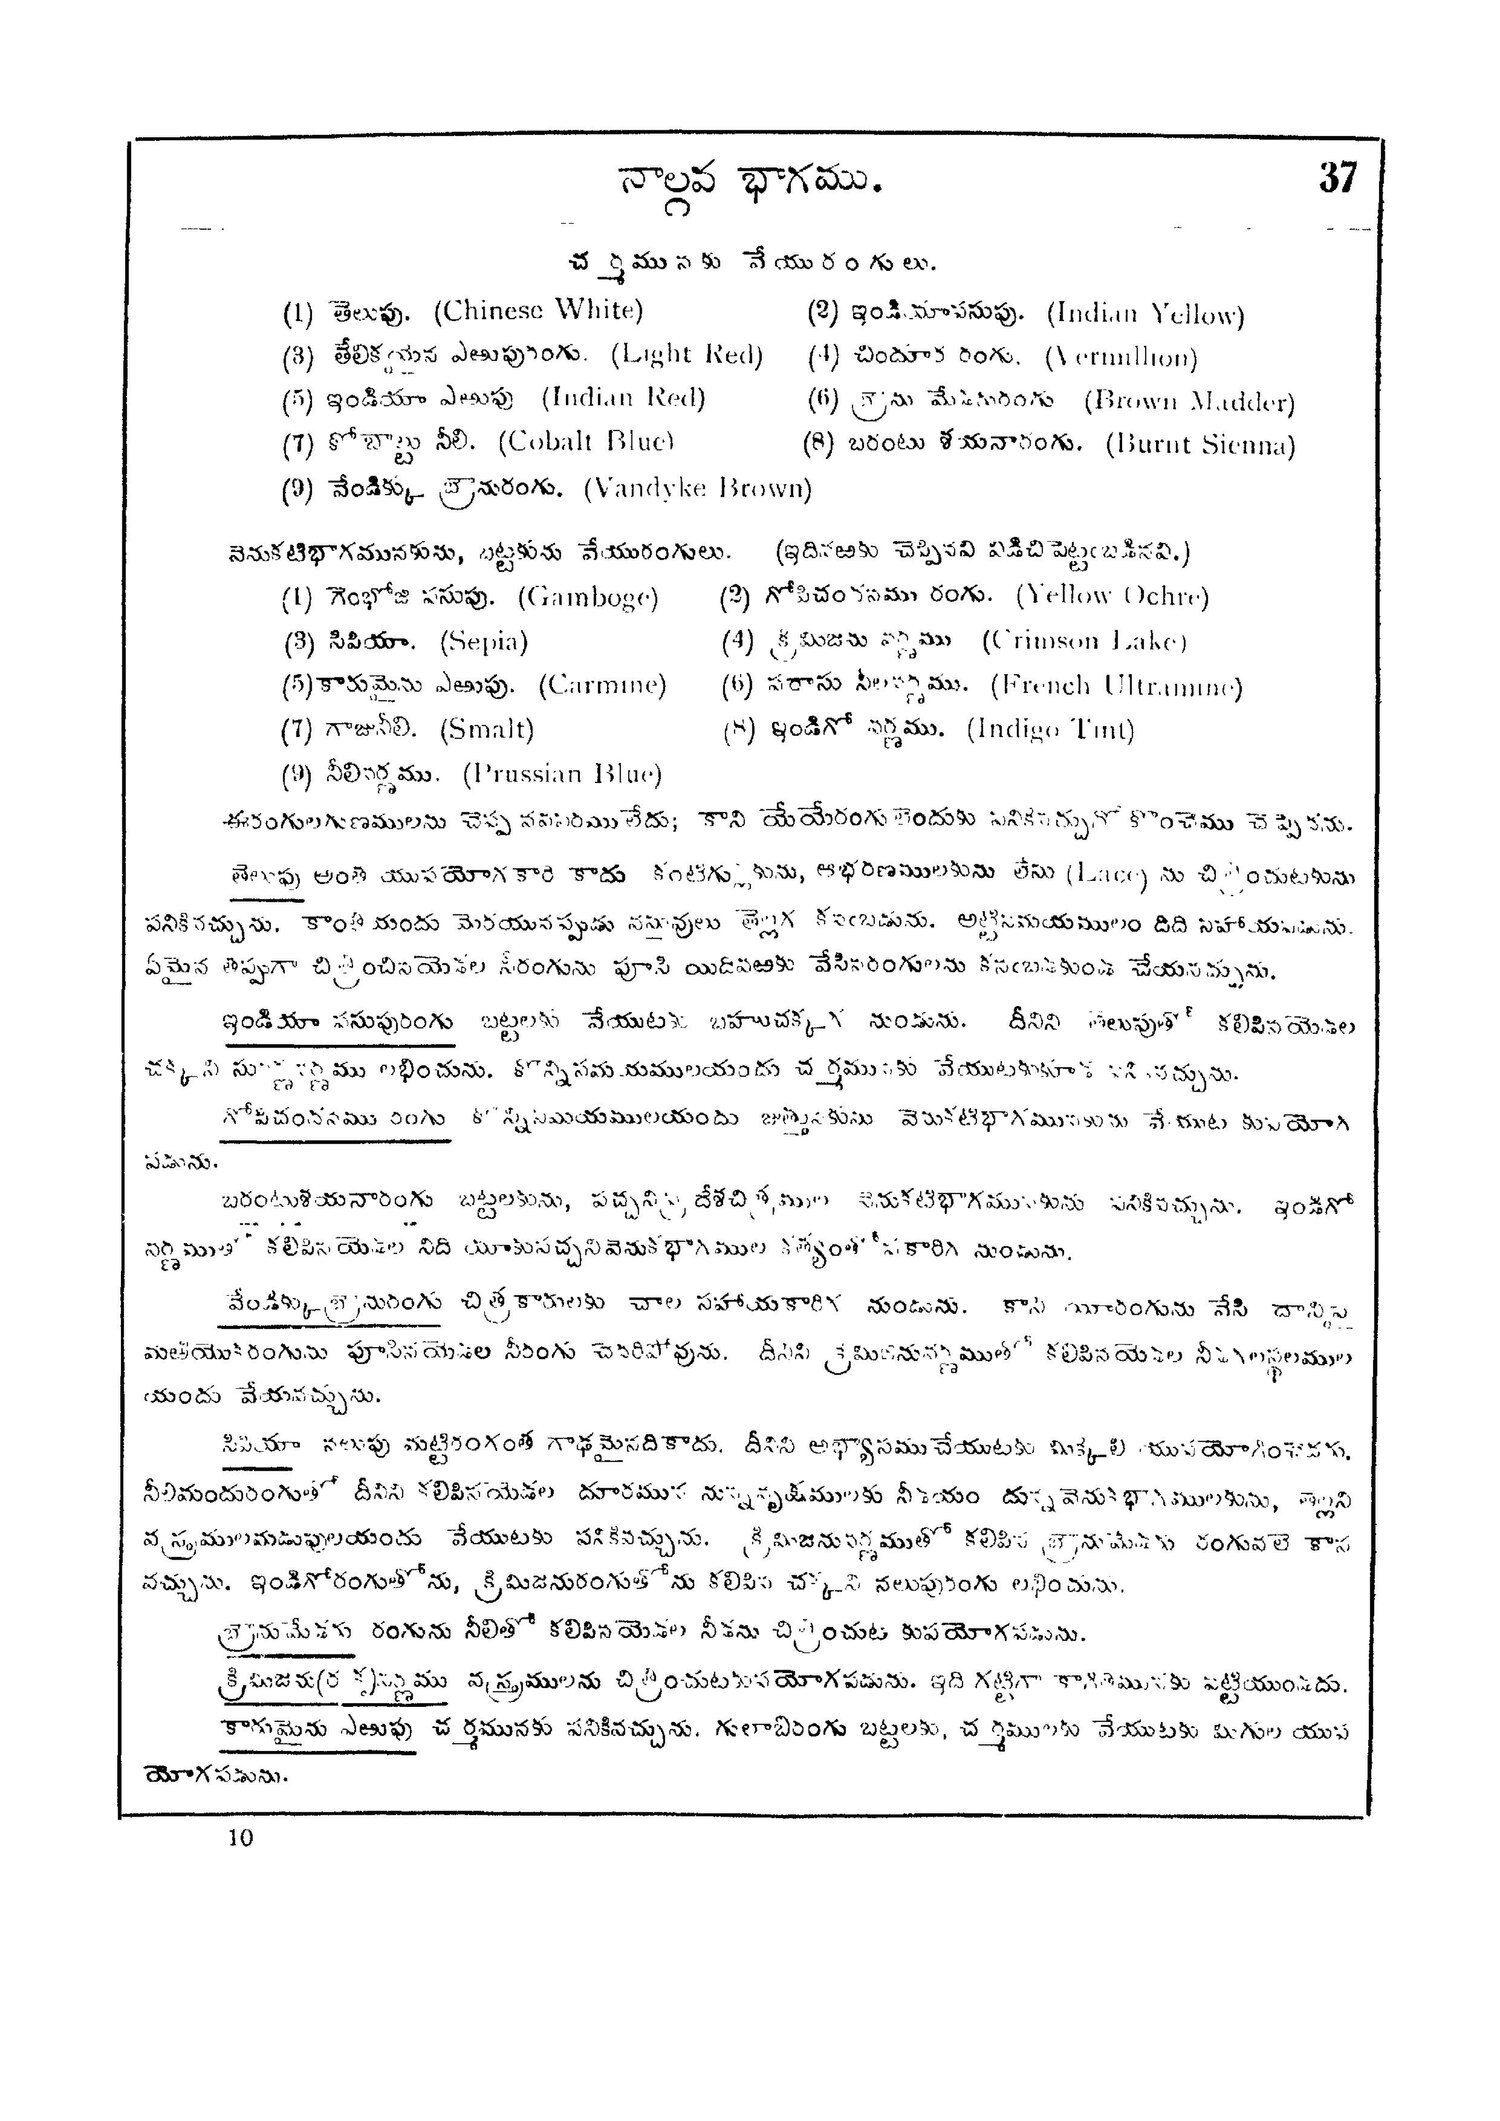(1) తెలుపు. (Chinese White)

(2) ఇండియా పసుపు. (Indian Yellow)

(3) తేలికయైన ఎఱుపురంగు. (Light Red)

(4) చిందూర రంగు (Vermillion)

(5) ఇండియా ఎఱుపు (Indian Red)

(6) బ్రౌను మేడరురంగు.(Brown Madder)

(7) కోబాల్టు నీలి. (Cobalt Blue)

(8) బరంటు శయనారంగు. (Burnt Sienna)

(9) వేండిక్కు బ్రౌనురంగు. (Vandyke Brown)

(!) గెంభోజి పసుపు (Gamboge)

(2) గోపిచందనము రంగు. (Yellow Ochre)

(3) సిపియా (Sepia)

(4) క్రిమిజను వర్ణము. (Crimson Lake)

(5) కారుమైను ఎఱుపు. (Carmine)

(6) పరాసు నీలవర్ణము. (French Ultramine)

(7) గాజునీలి. (Smalt)

(8) ఇండిగో వర్ణము. (Indigo Tint)

(9) నీలివర్ణము (Prussian Blue)

ఈరంగులగుణములను చెప్పనవసరములేదు.కాని యేయేరంగు లెందుకు పనికివచ్చునోకొంచెము చెప్పెదను.

తెలుపు:- అంత యుపయోగకారి కాదు. కంటిగుడ్లకును, ఆభరణములకును లేసు (Lace) ను చిత్రించుటకును పనికివచ్చును. కాంతియందు మెరయునప్పుడు వస్తువులు తెల్లగ కనబడును. అట్టిసమయములం దిది సహాయపడును. ఏమైనా తప్పుగా చిత్రించినయెడల నీరంగును పూసి యిదివఱకు వేసినరంగులను కనబడకుండ చేయవచ్చును.

ఇండియా పసుపురంగు:- బట్టలకు వేయుటకు బహుచక్కగ నుండును. దీనిని తెలుపుతో కలిపినయెడల చక్కని సువర్ణవర్ణము లభించును. కొన్నిసమయములయందు చర్మమునకు వేయుటకుకూడ పనికివచ్చును.

గోపిచందనము రంగు:- కొన్నిసమయములయందు జుత్తునకును వెనుకటిభాగమునకును వేయుట కుపయోగ పడును.

బరంటుశయనారంగు:- బట్టలకును, పచ్చనిప్రదేశచిత్రముల వెనుకటిభాగమునకును పనికివచ్చును. ఇండిగో వర్ణముతో కలిపినయెడల నిది యాకుపచ్చనివెనుకభాగముల కత్యంతోపకారిగ నుండును. 

వేండిక్కుబ్రౌనురంగు:- చిత్రకారులకు చాల సహాయకారిగ నుండును. కాని యీరంగును వేసి దానిపై మఱియొకరంగును పూసినయెడల నీరంగు చెదరిపోవును. దీనిని క్రిమిషనువర్ణముతో కలిపినయెడల నీడగలస్థలముల యందు వేయవచ్చును.

సిపియా:- నలుపు మట్టిరంగంత గాడమైనదికాదు. దీనిని అభ్యాసముచేయుటకు మిక్కిలి యుపయోగించెదరు. నీలిమందురంగుతో దీనిని కలిపినయెడల దూరమున నున్నవృక్షములకు నీడయం దున్నవెనుకభాగములకును, తెల్లని వస్త్రములమడుపులయందు వేయుటకు పనికివచ్చును. క్రిమిజనువర్ణముతో కలిపిన బ్రౌనుమేడగు రంగువలె కానవచ్చును. ఇండిగోరంగుతోను, క్రిమిజనురంగుతోను కలిపిన చక్కని నలుపురంగు లభించును.

బ్రౌనుమేడరు:- రంగును నీలితో కలిపినయెడల నీడను చిత్రించుట కుపయోగపడును.

క్రిమిజను(రక్త)వర్ణము:- వస్త్రములను చిత్రించుటకుపయోగపడును. ఇది గట్టిగా కాగితమునకు పట్టియుండదు.

కారుమైను ఎఱుపు:- చర్మమునకు పనికివచ్చును. గులాబిరంగు బట్టలకు, చర్మములకు వేయుటకు మిగుల యుపయోగపడును.